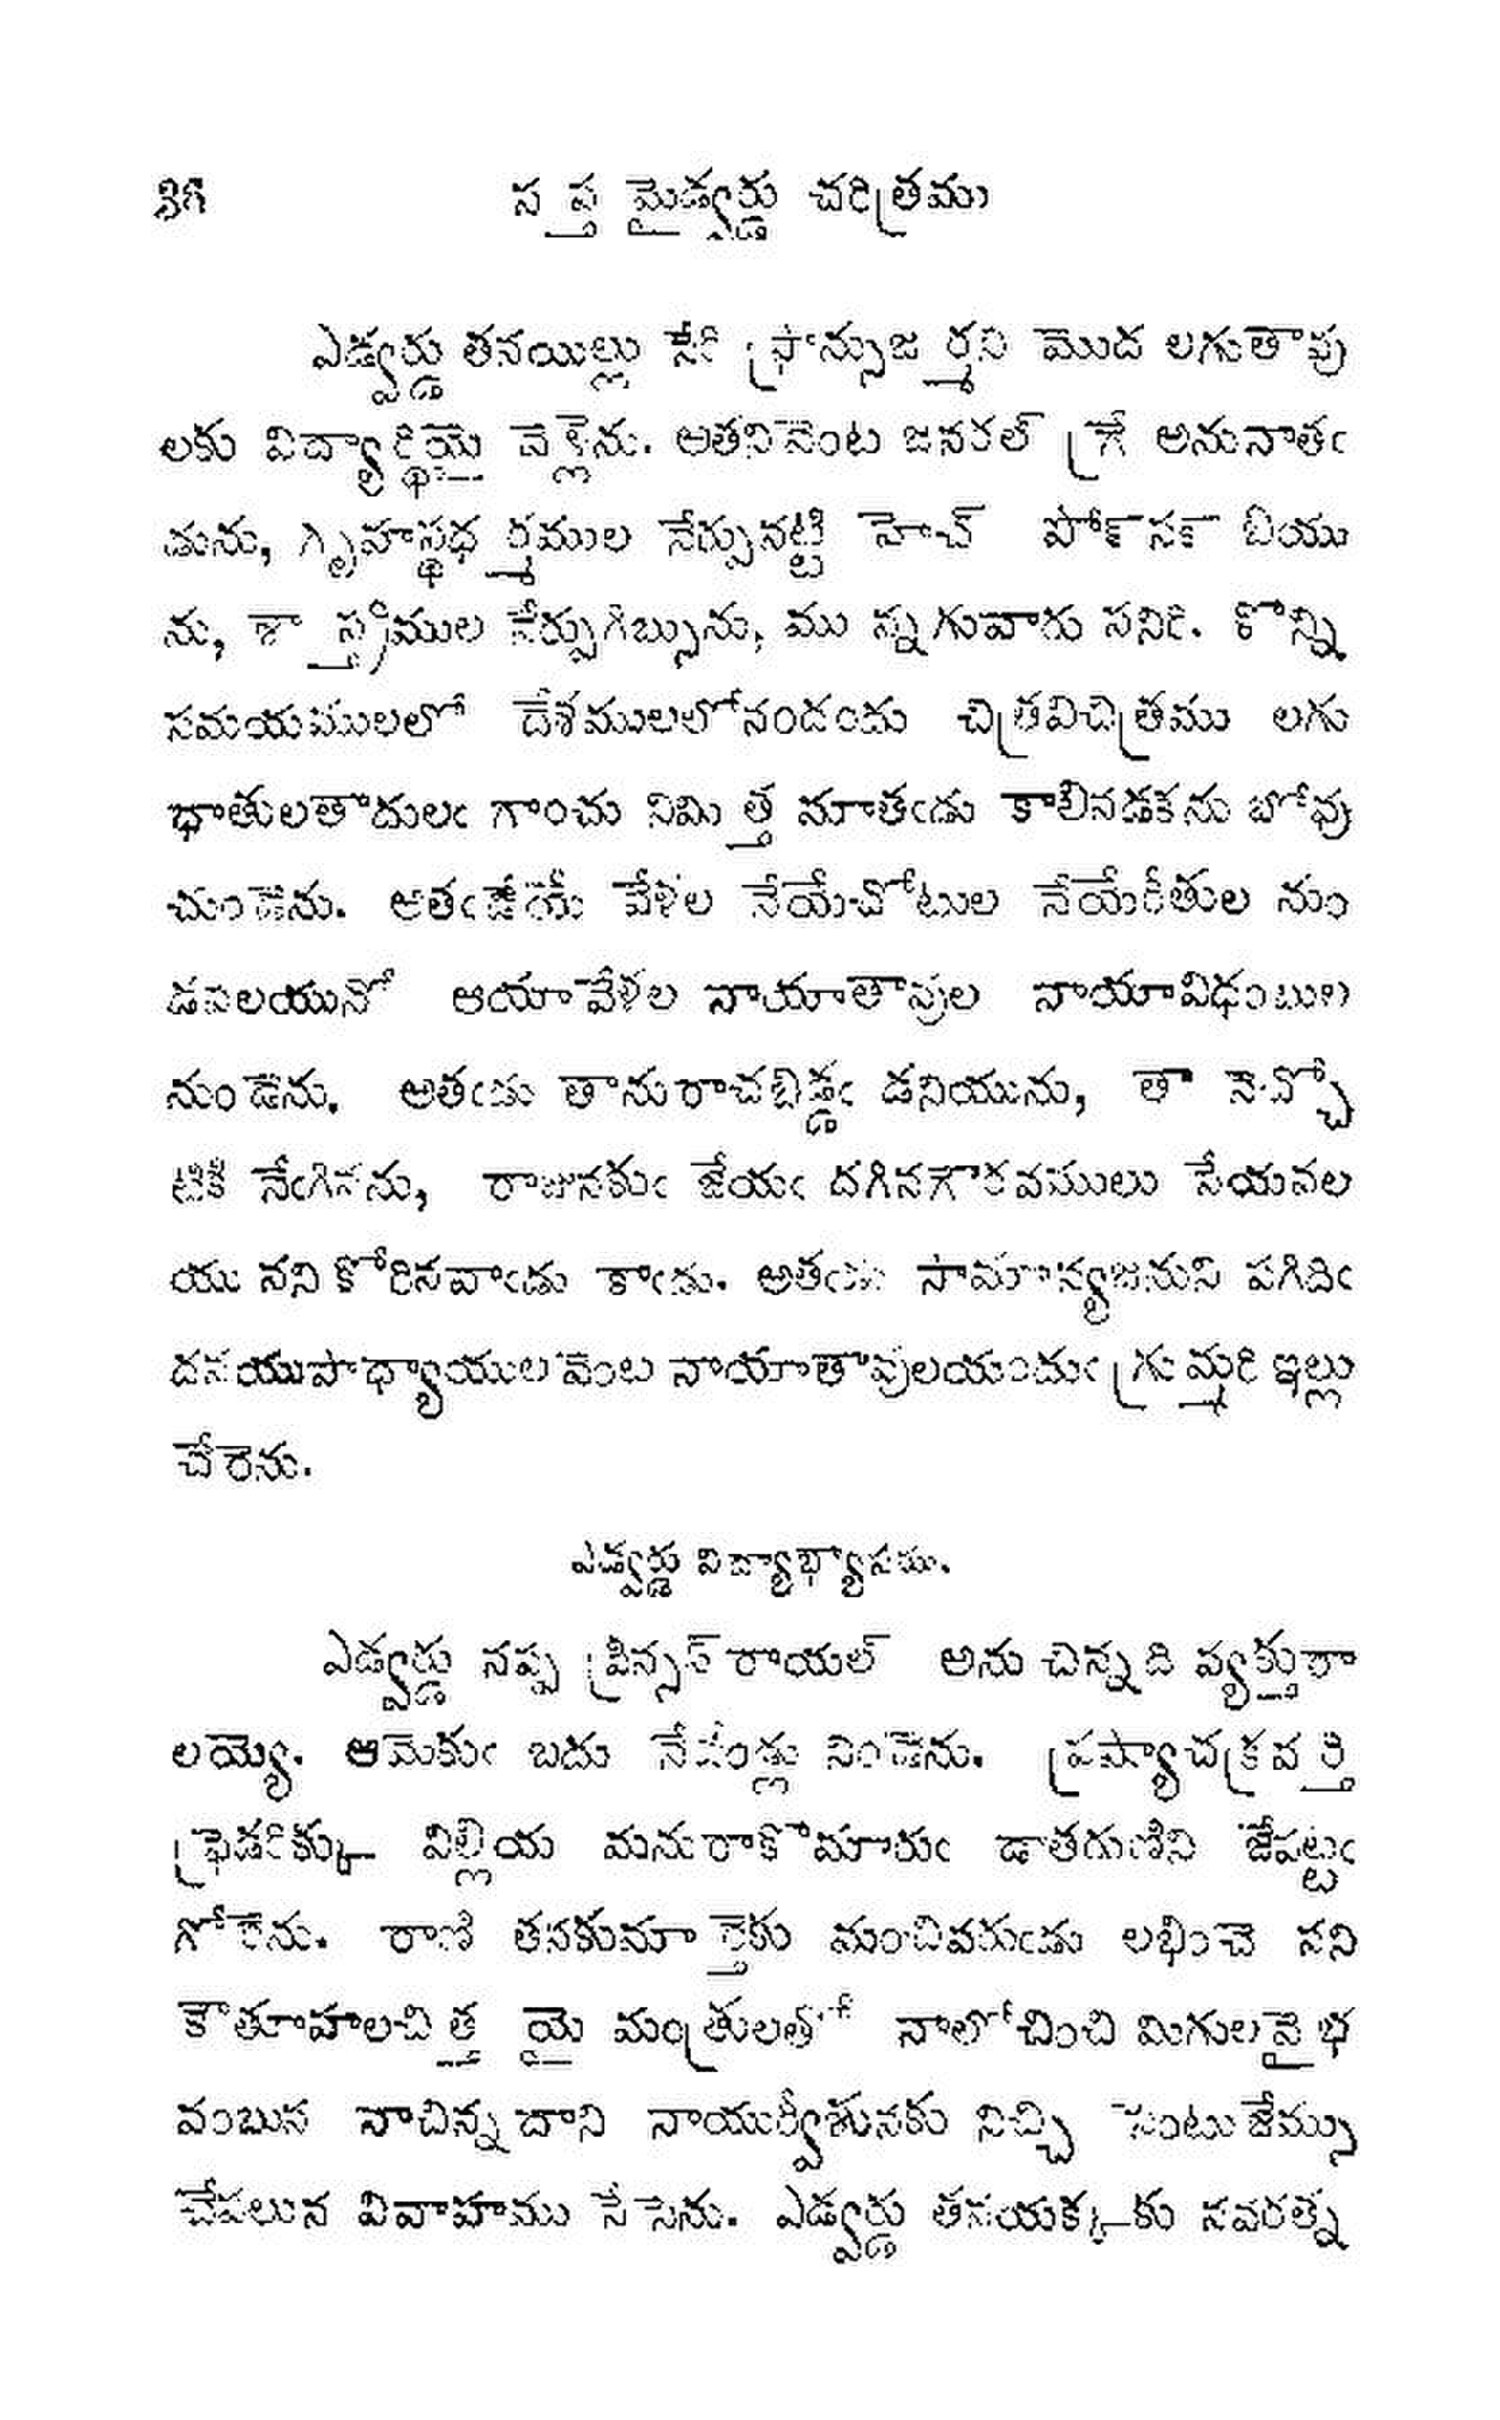ఎడ్వర్డు తన యిల్లు - ఫ్రాన్సుజర్మని మొద లగుతావులకు విద్యార్థియై వెళ్లెను.అతని సంట జనరల్ గ్రే అనునాతండును, గృహస్థధర్మముల నేర్చునట్టి హెచ్ పోన్ సన్ " బియును, శాస్త్రముల నేర్పుగిబ్సను, మున్నగువారు సనిరి. కొన్నిసమయములలో దేశములలో నందందు చిత్రవిచిత్రము లగు ధాతులతాదులఁ గాంచు నిమిత్త మాతఁడు కాలినడకను బోవు చుండెను. అడేవేళ ల నేయేచోటుల నేయేరీతుల నుడువలయునో అయా వేళల నాయాతాపుల నాయావిదంబుల
నుండెను. అతఁడు తాను రాచబిడ్డఁ డనియును, తా నెచ్చో టికి నేఁగినను, రాజునకుఁ జేయఁ దగినగౌరవములు సేయవలయు నని కోరిన వాఁడు కాడు. అతని సామాన్యజనుని పగిది
దస యు సౌధ్యాయుల వెంట నాయాతావులయంచుఁ గ్రుమ్మరి ఇల్లుచేరెను.

ఎడ్వర్డు నప్ప ప్రిన్సస్ రాయల్ అను చిన్నది వ్యక్తురాలయ్యె. ఆమెకుఁ బదు. నేండ్లు నిండెను. ప్రష్యాచక్రవర్తి ఫ్రెడరిక్కు విల్లియ మనురాకోమారుఁ డాతరుణిని 'జేపట్టగోరెను. రాణి తనకుమార్తెకు మంచివరుడు లభిచె సని కౌతూహలచిత్త యై మంత్రులతో నాలోచించి మిగులవైభ వంబుస నాచిన్న దాని నాయుర్వీశ్వరునకు నిచ్చి సెంటు జేమ్సు చేపలున వివాహము సేసెను. ఎడ్వర్డు తన యక్కకు సవరత్న